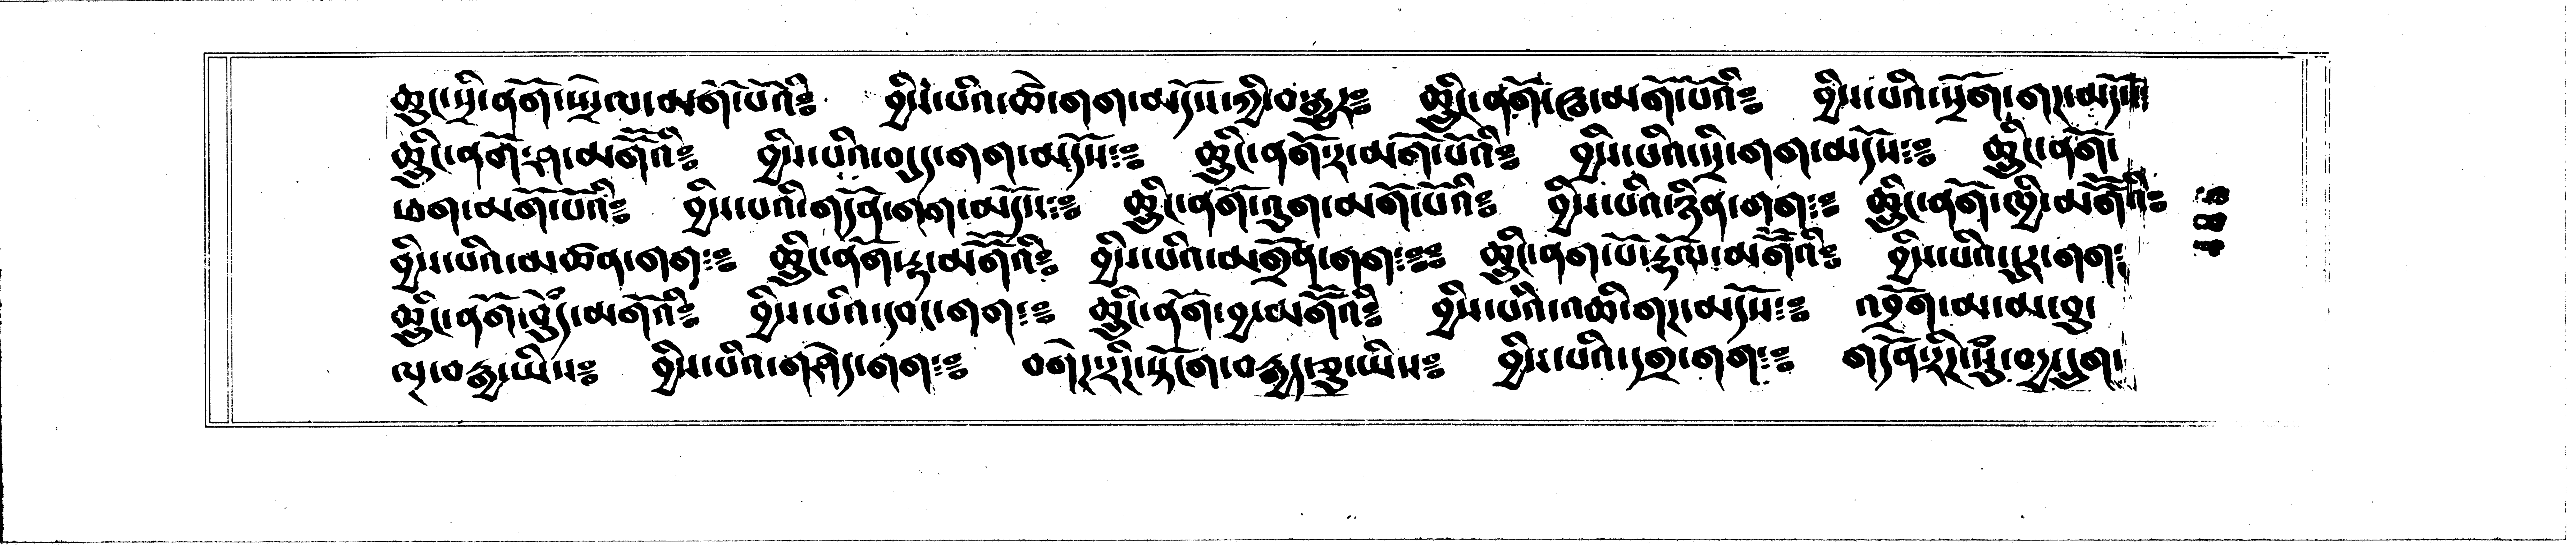ཆུང་སྲི་ནག་པོ་སྤྲེལ་མགོ་པོའི༔བྱིས་པའི་ཚེ་གག་མདོས་ཀྱི་བསྒྱུར༔ཆུང་སྲི་ནག་པོ་ཝ་མགོ་པོའི༔བྱིས་པའི་སྲོག་གག་མདོས་ཀྱི་བསྒྱུར༔
ཆུང་སྲི་ནག་པོ་ཤ་མགོ་པོའི༔བྱིས་པའི་བདུད་གག་མདོས་ཀྱི་བསྒྱུར༔ཆུང་སྲི་ནག་པོ་ར་མགོ་པོའི༔བྱིས་པའི་སྲི་གག་མདོས་ཀྱི་བསྒྱུར༔ཆུང་སྲི་ནག་པོ་
ཕག་མགོ་པོའི༔བྱིས་པའི་གདོན་གག་མདོས་ཀྱི་བསྒྱུར༔ཆུང་སྲི་ནག་པོ་འུག་མགོ་པོའི༔བྱིས་པའི་ཉིན་གག་མདོས་ཀྱི་བསྒྱུར༔ཆུང་སྲི་ནག་པོ་ཁྱི་མགོ་པོའི༔
བྱིས་པའི་མཚན་གག་མདོས་ཀྱི་བསྒྱུར༔ཆུང་སྲི་ནག་པོ་རྟ་མགོ་པོའི༔བྱིས་པའི་མགྲོན་གག་མདོས་ཀྱི་བསྒྱུར༔ཆུང་སྲི་ནག་པོ་རྟོལ་མགོ་པོའི༔བྱིས་པའི་ངུར་ནག་མདོས་ཀྱི་བསྒྱུར༔
ཆུང་སྲི་ནག་པོ་བུད་མེད་མགོའི༔བྱིས་པའི་དབང་གག་མདོས་ཀྱི་བསྒྱུར༔ཆུང་སྲི་ནག་པོ་བྱ་མགོ་པོའི༔བྱིས་པའི་འཆི་གགས་མདོས་ཀྱི་བསྒྱུར༔འབྲོག་མ་མ་བུ་
ལྔ་བརྒྱ་ཡིས༔བྱིས་པའི་གཤེད་གག་མདོས་ཀྱི་བསྒྱུར༔བགེགས་རིགས་སྟོང་ཕྲག་བརྒྱད་ཅུ་ཡིས༔བྱིས་པའི་དགྲ་གག་མདོས་ཀྱི་བསྒྱུར༔གདོན་རིགས་སུམ་བརྒྱ་དྲུག་